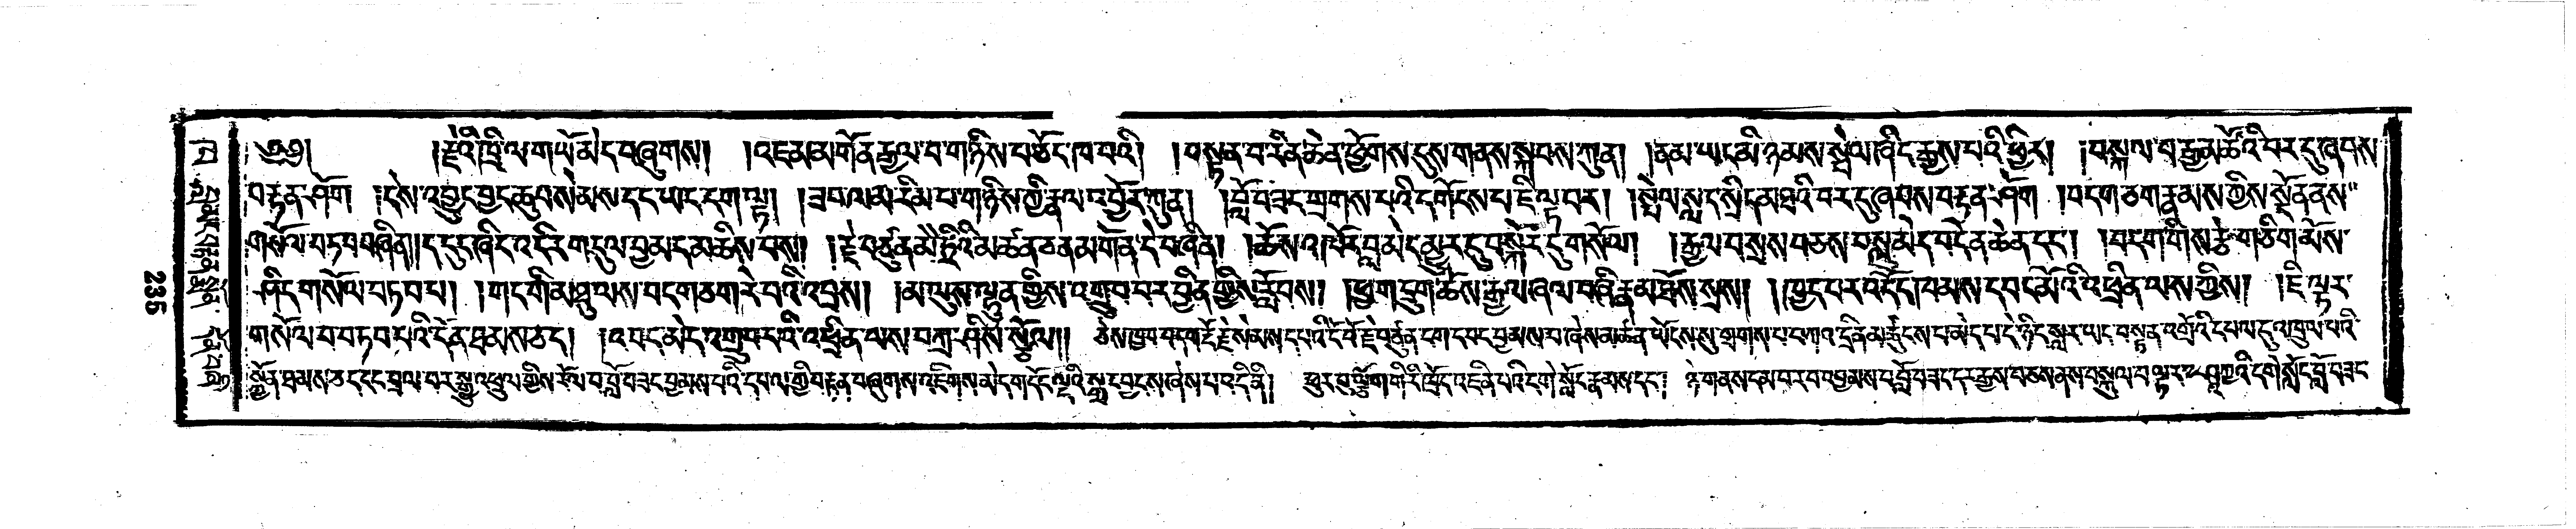༄༅། །རྗེའི་ཁྲི་ལ་གཡོ་མེད་བཞུགས། །འཇམ་མགོན་རྒྱལ་བ་གཉིས་པ་ཙོང་ཁ་བའི། །བསྟན་བ་རིན་ཆེན་ཕྱོགས་དུས་གནས་སྐབས་ཀུན། །ནམ་ཡང་མི་ཉམས་སྤེལ་ཞིང་རྒྱས་པའི་ཕྱིར། །བསྐལ་བ་རྒྱ་མཚོའི་བར་དུ་ཞབས་
བརྟན་ཤོག །དེས་འབྱུང་བྱང་ཆུབ་སེམས་དང་ཡང་དག་ལྟ། །ཟབ་ལམ་རིམ་པ་གཉིས་ཀྱི་རྣལ་འབྱོར་ཀུན། །བློ་བཟང་གྲགས་པའི་དགོངས་པ་ཇི་ལྟ་བར། །སྤེལ་སླད་སྲིད་མཐའི་བར་དུ་ཞབས་བརྟན་ཤོག །བདག་ཅག་རྣམས་ཀྱིས་སྔོན་ནས་
གསོལ་བཏབ་བཞིན། །ད་དུང་ཞིང་འདིར་གདུལ་བྱ་མད་མཆིས་པས། །རྗེ་བཙུན་མཻ་ཏྲིའི་མཚན་ཅན་མགོན་དེ་བཞིན། ཆོས་འཁོར་བླ་མེད་མྱུར་དུ་བསྐོར་དུ་གསོལ། །རྒྱལ་བ་སྲས་བཅས་བསླུ་མེད་བདེན་ཆེན་དང་། །བདག་གིས་རྩེ་གཅིག་མོས་
ཤིད་གསོལ་བཏབ་པ། །གང་གི་མཐུ་ལས་བདག་ཅག་རེ་བའི་འབྲས། །མ་ལུས་ལྷུན་གྱིས་འགྲུབ་བར་བྱིན་གྱིས་རློབས། །ཕྱག་དྲུག་ཆོས་རྒྱལ་ཞལ་བཞི་རྣམ་ཐོས་སྲས། །ཁྱད་པར་འདོད་ཁམས་དབང་མོའི་འཕྲིན་ལས་ཀྱིས། །ཇི་ལྟར་
གསོལ་བ་བཏབ་པའི་དོན་ཐམས་ཅད། །འབད་མེད་འགྲུབ་པའི་འཕྲིན་ལས་བཀྲ་ཤིས་སྩོལ། ཅེས་ཁྱབ་བདག་རྡོ་རྗེ་སེམས་དཔའི་ངོ་བོ་རྗེ་བཙུན་ངག་དབང་བྱམས་པ་ཞེས་མཚན་ཡོངས་སུ་གྲགས་པ་བཀའ་དྲིན་མཚུངས་པ་མེད་པ་དེ་ཉིད་སླར་ཡང་བསྟན་འགྲོའི་དཔལ་དུ་འཁྲུལ་པའི་
སྐྱོན་ཐམས་ཅད་དང་བྲལ་བར་སྒྱུ་འཕྲུལ་གྱིས་རོལ་པ་བློ་བཟང་བྱམས་པའི་དཔལ་གྱི་བརྟན་བཞུགས་འཇིགས་མེད་གདོང་ལྔའི་སྒྲ་དབྱངས་ཞེས་པ་འདི་ནི། ཕུར་བུ་ལྕོག་གི་རི་ཁྲོད་འཛིན་པའི་དགེ་སློང་རྣམས་དང་། ཉེ་གནས་དམ་པ་རབ་འབྱམས་པ་བློ་བཟང་དར་རྒྱས་བཅས་ནས་བསྐུལ་བལྟར་༧་ཤཱཀྱའི་དགེ་སློང་བློ་བཟང་